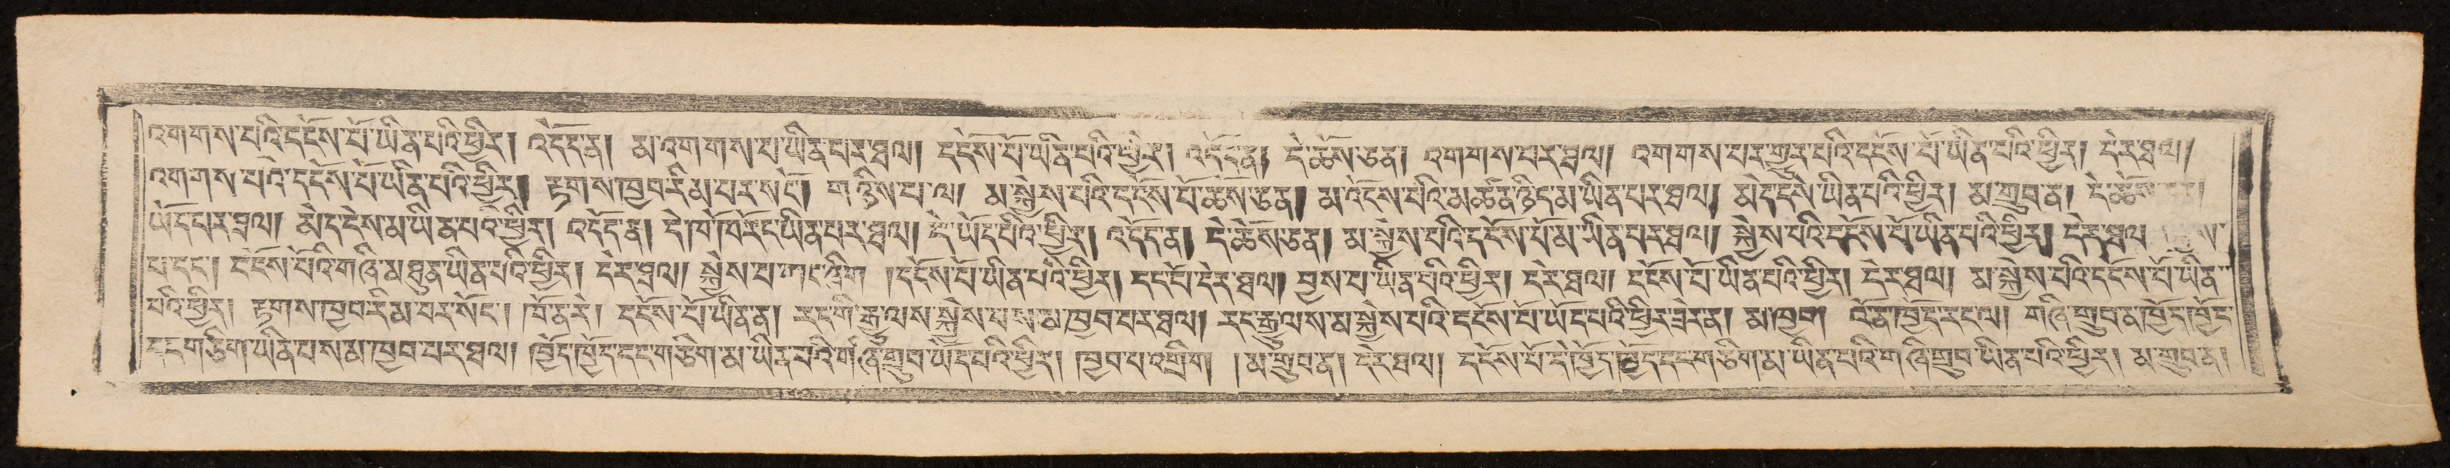འགགས་པའི་དངོས་པོ་ཡིན་པའི་ཕྱིར། འདོད་ན། མ་འགགས་པ་ཡིན་པར་ཐལ། དངོས་པོ་ཡིན་པའི་ཕྱིར། འདོད་ན། དེ་ཆོས་ཅན། འགགས་པར་ཐལ། འགགས་པར་གྱུར་པའི་དངོས་པོ་ཡིན་པའི་ཕྱིར། དེར་ཐལ།
འགགས་པའི་དངོས་པོ་ཡིན་པའི་ཕྱིར། རྟགས་ཁྱབ་རིམ་པར་སོང་། གཉིས་པ་ལ། མ་སྐྱེས་པའི་དངོས་པོ་ཆོས་ཅན། མ་འོངས་པའི་མཚན་ཉིད་མ་ཡིན་པར་ཐལ། མེད་ངེས་ཡིན་པའི་ཕྱིར། མ་གྲུབ་ན། དེ་ཆོས་ཅན།
ཡོད་པར་ཐལ། མེད་ངེས་མ་ཡིན་པའི་ཕྱིར། འདོད་ན། དེ་ཁོ་ཁོ་རང་ཡིན་པར་ཐལ། དེ་ཡོད་པའི་ཕྱིར། འདོད་ན། དེ་ཆོས་ཅན། མ་སྐྱེས་པའི་དངོས་པོ་མ་ཡིན་པར་ཐལ། སྐྱེས་པའི་དངོས་པོ་ཡིན་པའི་ཕྱིར། དེར་ཐལ། སྐྱེས་
པ་དང་། དངོས་པོའི་གཞི་མཐུན་ཡིན་པའི་ཕྱིར། དེར་ཐལ། སྐྱེས་པ་གང་ཞིག། དངོས་པོ་ཡིན་པའི་ཕྱིར། དང་པོ་དེར་ཐལ། བྱས་པ་ཡིན་པའི་ཕྱིར། དེར་ཐལ། དངོས་པོ་ཡིན་པའི་ཕྱིར། དེར་ཐལ། མ་སྐྱེས་པའི་དངོས་པོ་ཡིན་
པའི་ཕྱིར། རྟགས་ཁྱབ་རིམ་པར་སོང་། ཁོ་ན་རེ། དངོས་པོ་ཡིན་ན། རང་གི་རྒྱུ་ལས་སྐྱེས་པས་མ་ཁྱབ་པར་ཐལ། རང་རྒྱུ་ལས་མ་སྐྱེས་པའི་དངོས་པོ་ཡོད་པའི་ཕྱིར་ཟེར་ན། མ་ཁྱབ། འོ་ན་ཁྱོད་རང་ལ། གཞི་གྲུབ་ན་ཁྱོད་ཁྱོད་
དང་གཅིག་ཡིན་པས་མ་ཁྱབ་པར་ཐལ། ཁྱོད་ཁྱོད་དང་གཅིག་མ་ཡིན་པའི་གཞི་གྲུབ་ཡོད་པའི་ཕྱིར། ཁྱབ་པ་འགྲིག །མ་གྲུབ་ན། དེར་ཐལ། དངོས་པོ་དེ་ཁྱོད་ཁྱོད་དང་གཅིག་མ་ཡིན་པའི་གཞི་གྲུབ་ཡིན་པའི་ཕྱིར། མ་གྲུབ་ན།